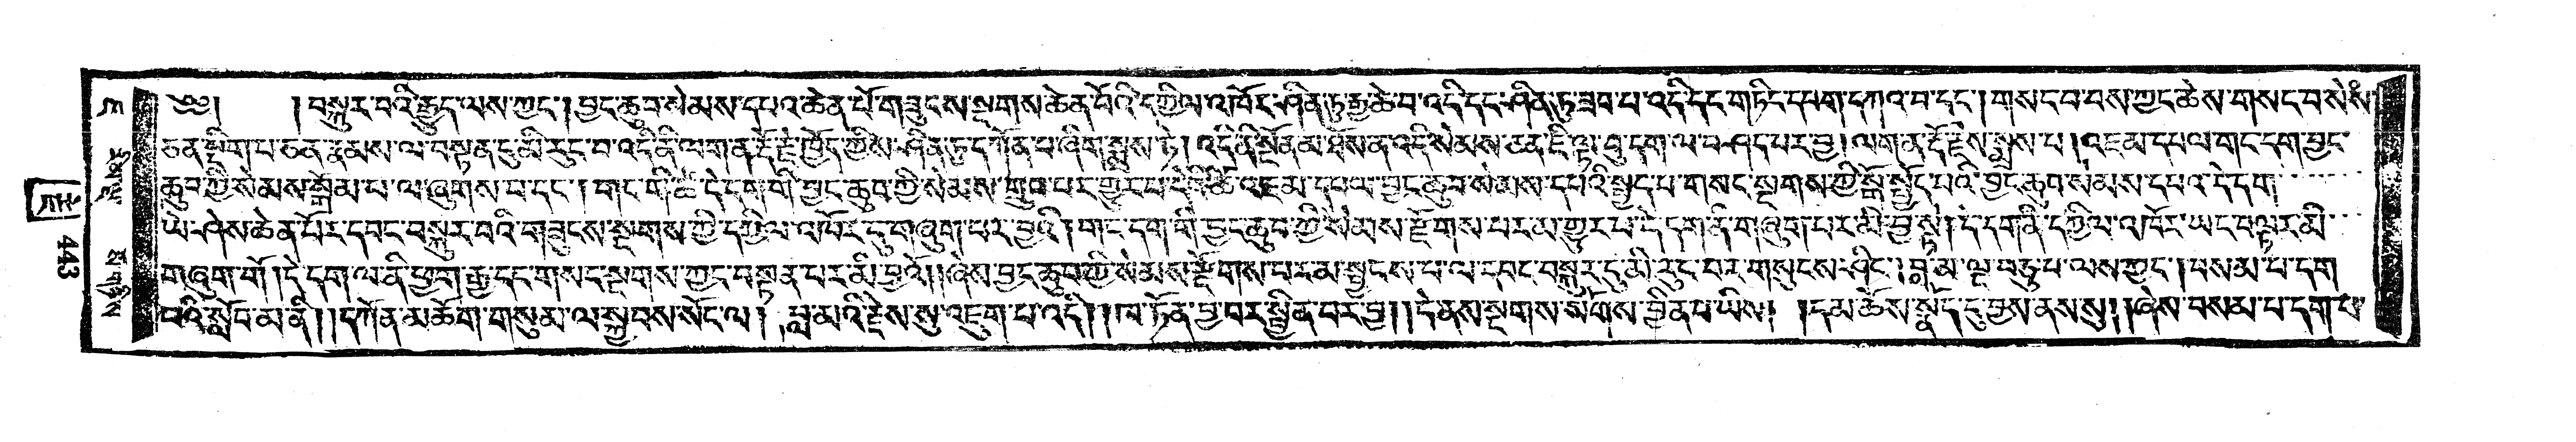༄༅། །བསྐུར་བའི་རྒྱུད་ལས་ཀྱང་། བྱང་ཆུབ་སེམས་དཔའ་ཆེན་པོ་གཟུངས་སྔགས་ཆེན་པོའི་དཀྱིལ་འཁོར་ཤིན་ཏུ་རྒྱ་ཆེ་བ་འདི་དང་ཤིན་ཏུ་ཟབ་པ་འདི་དང་གཏིང་དཔག་དཀའ་བ་དང་། གསང་བ་བས་ཀྱང་ཆེས་གསང་བ་སེམས་
ཅན་སྡིག་པ་ཅན་རྣམས་ལ་བསྟན་དུ་མི་རུང་བ་འདི་ནི་ལག་ན་རྡོ་རྗེ་ཁྱོད་ཀྱིས་ཤིན་ཏུ་དཀོན་པ་ཞིག་སྨྲས་ཏེ། འདི་ནི་སྔོན་མ་ཐོས་ན་འདི་སེམས་ཅན་ཇི་ལྟ་བུ་དག་ལ་བཤད་པར་བྱ། ལག་ན་རྡོ་རྗེས་སྨྲས་པ། འཇམ་དཔལ་གང་དག་བྱང་
ཆུབ་ཀྱི་སེམས་སྒོམ་པ་ལ་ཞུགས་པ་དང་། གང་གི་ཚེ་དེ་དག་གི་བྱང་ཆུབ་ཀྱི་སེམས་གྲུབ་པར་གྱུར་པ་དེའི་ཆེ་འཇམ་དཔལ་བྱང་ཆུབ་སེམས་དཔའི་སྤྱད་པ་གསང་སྔགས་ཀྱི་སྒོ་སྤྱོད་པའི་བྱང་ཆུབ་སེམས་དཔའི་དེ་དག་
ཡེ་ཤེས་ཆེན་པོར་དབང་བསྐུར་བའི་གཟུངས་སྔགས་ཀྱི་དཀྱིལ་འཁོར་དུ་གཞུག་པར་བྱའི། གང་དག་གི་བྱང་ཆུབ་ཀྱི་སེམས་རྫོགས་པར་མ་གྱུར་པ་དེ་དག་ནི་གཞུག་པར་མི་བྱ་སྟེ། དེ་དག་ནི་དཀྱིལ་འཁོར་ཡང་བལྟར་མི་
གཞུག་གོ །དེ་དག་ལ་ནི་ཕྱག་རྒྱ་དང་གསང་སྔགས་ཀྱང་བསྟན་པར་མི་བྱའོ། །ཞེས་བྱང་ཆུབ་ཀྱི་སེམས་རྫོགས་པར་མ་སྦྱངས་པ་ལ་དབང་བསྐུར་དུ་མི་རུང་བར་གསུངས་ཤིང་། བླ་མ་ལྔ་བཅུ་པ་ལས་ཀྱང་། བསམ་པ་དག་
པའི་སློབ་མ་ནི། །དཀོན་མཆོག་གསུམ་ལ་སྐྱབས་སོང་ལ། །བླ་མའི་རྗེས་སུ་འཇུག་པ་འདི། །ཁ་ཏོན་བྱ་བར་སྦྱིན་པར་བྱ། །དེ་ནས་སྔགས་སོགས་བྱིན་པ་ཡིས། །དམ་ཆོས་སྣོད་དུ་བྱས་ནས་སུ། །ཞེས་བསམ་པ་དག་པ་